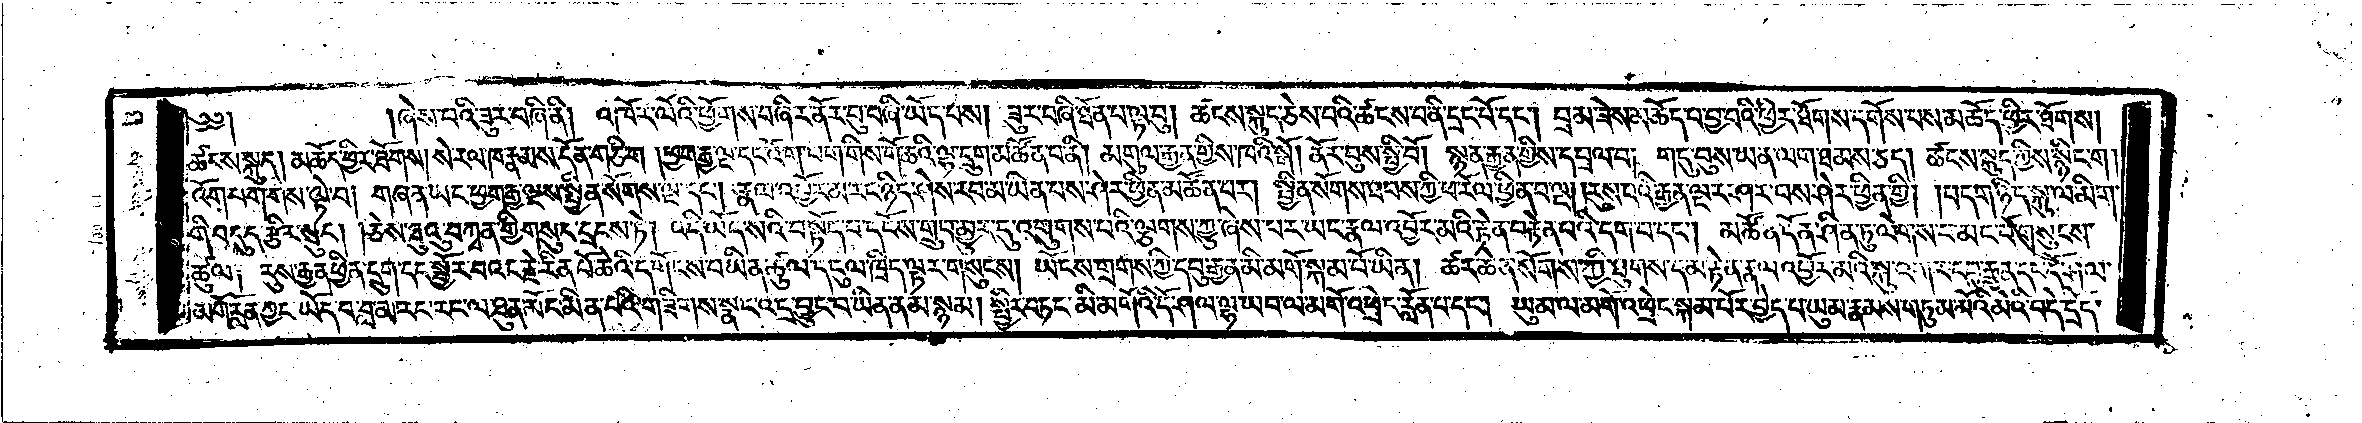༄༅། །ཞེས་པའི་ཟུར་བཞི་ནི། འཁོར་ལོའི་ཕྱོགས་བཞིར་ནོར་བུ་བཞི་ཡོད་པས། ཟུར་བཞི་ཐོན་པ་ལྟ་བུ། ཚངས་སྐུད་ཅེས་པའི་ཚངས་བ་ནི་དྲང་པོ་དང་། བྲམ་ཟེས་མཆོད་པ་བྱ་བའི་ཕྱིར་ཐོགས་དགོས་བས་མཆོད་ཕྱིར་ཐོགས།
ཚངས་སྐུད། མཆོད་ཕྱིར་ཐོགས། སེ་རལ་ཁ་རྣམས་དོན་གཅིག །ཕྱག་རྒྱ་ལྔ་དང་འོག་པག་གིས་གོ་ཆའི་ལྷ་དྲུག་མཚོན་པ་ནི། མགུལ་རྒྱན་གྱིས་ཁའི་སྒོ། ནོར་བུས་སྤྱི་བོ། སྙན་རྒྱན་གྱིས་དཔྲལ་བ། གདུ་བུས་ཡན་ལག་ཐམས་ཅད། ཚངས་སྐུད་ཀྱིས་སྙིང་ག །
འོག་པག་གིས་ལྟེ་བ། གཞན་ཡང་ཕྱག་རྒྱ་ལྔས་སྦྱིན་སོགས་ལྔ་དང་། རྣལ་འབྱོར་མ་རང་ཉིད་ཤེས་རབ་མ་ཡིན་པས་ཤེར་ཕྱིན་མཚོན་པར། སྦྱིན་སོགས་ཐབས་ཀྱི་ཕ་རོལ་ཕྱིན་པ་ལྔ། །རུས་པའི་རྒྱན་ལྔར་ཤར་བས་ཤེར་ཕྱིན་གྱི། །བདག་ཉིད་སྐུ་ལ་མིག་
གི་བདུད་རྩིར་སྤུང་། །ཅེས་ཐུའུ་བཀྭན་གྱི་གསུང་དྲངས་ཏེ། འདི་ཡོད་སའི་བསྟོད་པ་དངོས་གྲུབ་མྱུར་དུ་འགུགས་པའི་ལྕགས་ཀྱུ་ཞེས་པར་ཡང་རྣལ་འབྱོར་མའི་རྟེན་བརྟེན་པའི་དག་པ་དང་། མཚོན་དོན་ཤིན་ཏུ་ལེགས་པ་མང་པོ་གསུངས་
ཚུལ༑ རུས་རྒྱན་ཕྱིན་དྲུག་དང་སྦྱོར་པའང་རྗེ་རིན་པོ་ཆེའི་དགོངས་པ་ཡིན་ཚུལ་དངུལ་ཁྲིད་ལྟར་གསུངས། ཡོངས་གྲགས་ཀྱི་དབུ་རྒྱན་མི་མགོ་སྐམ་པོ་ཡིན། ཚར་ཆེན་རིན་པོ་ཆེའི་ཐུགས་དམ་རྟེན་རྣལ་འབྱོར་མའི་སྐུ་བརྙན་འགར་མི་མགོ་རློན་
པའི་དབུ་རྒྱན་ཡོད་པ་ཚར་ཆེན་རང་ལ་ཐུན་མོང་མིན་པའི་གཟིགས་སྣང་འདྲ་བྱུང་བ་ཡིན་ནམ་སྙམ་གསུངས། མི་མགོའི་དོ་ཤལ་ལྷ་ཡབ་ལ་མགོ་འཕྲེང་རློན་པ་དང་། ཡུམ་ལ་མགོ་འཕྲེང་སྐམ་པོར་བྱེད་པ་ཡུམ་རྣམས་གཏུམ་མོའི་མེའི་བདེ་དྲོད་